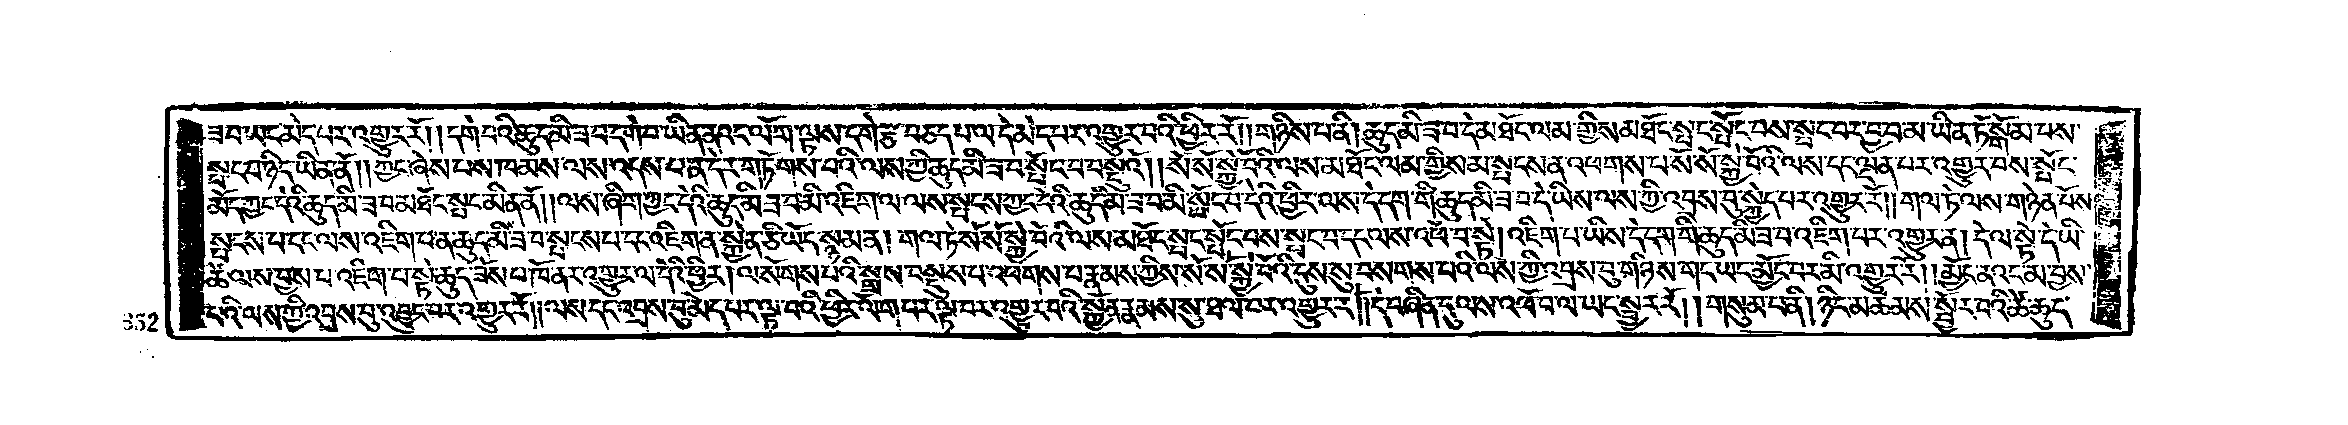ཟབ་ཡང་མེད་པར་འགྱུར་རོ། །དགེ་བའི་ཆུད་མི་ཟ་བ་དགེ་བ་ཡིན་ནའང་ལོག་ལྟས་དགེ་རྩ་བཅད་པ་ལ་དེ་མེད་པར་འགྱུར་བའི་ཕྱིར་རོ། །གཉིས་པ་ནི། ཆུད་མི་ཟ་བ་དེ་མཐོང་ལམ་གྱིས་མཐོང་སྤང་སྤོང་བས་སྤང་བར་བྱ་བ་མ་ཡིན་ཏེ་སྒོམ་པས་
སྤང་བ་ཉིད་ཡིན་ནོ། །ཀྱང་ཞེས་པས་ཁམས་ལས་འདས་པ་ན་དེར་གཏོགས་པའི་ལས་ཀྱི་ཆུད་མི་ཟ་བ་སྤོང་བ་བསྡུའོ། །སོ་སོ་སྐྱེ་བོའི་ལས་མཐོང་ལམ་གྱིས་མ་སྤངས་ན་འཕགས་པ་སོ་སོ་སྐྱེ་བོའི་ལས་དང་ལྡན་པར་འགྱུར་བས་སྤོང་
མོད་ཀྱང་དེའི་ཆུད་མི་ཟ་བ་མཐོང་སྤང་མིན་ནོ། །ལས་ཞིག་ཀྱང་དེའི་ཆུད་མི་ཟ་བ་མེ་འཇིག་ལ་ལས་སྤངས་ཀྱང་དེའི་ཆུད་མི་ཟ་བ་མི་སྤོང་བ་དེའི་ཕྱིར་ལས་དེ་དག་གི་ཆུད་མི་ཟ་བ་དེ་ཡིས་ལས་ཀྱི་འབྲས་བུ་སྐྱེད་པར་འགྱུར་རོ། །གལ་ཏེ་ལས་གཉེན་པོས་
སྤངས་པ་དང་ལས་འཇིག་པ་ན་ཆུད་མི་ཟ་བ་སྤངས་པ་དང་འཇིག་ན་སྐྱེན་ཅི་ཡོད་སྙམ་ན། གལ་ཏེ་སོ་སོ་སྐྱེ་བོའི་ལས་མཐོང་སྤང་སྤོང་བས་སྤང་བ་དང་ལས་འཕོ་བ་སྟེ། འཇིག་པ་ཡིས་དེ་དག་གི་ཆུད་མི་ཟ་བ་འཇིག་པར་འགྱུར་ན། དེ་ལ་སྟེ་དེ་ཡི་
ཚེ་ལས་བྱས་པ་འཇིག་པ་སྟེ་ཆུད་ཟོས་པ་ཁོ་ནར་འགྱུར་ལ་དེའི་ཕྱིར། ལ་སོགས་པའི་སྒྲས་བསྡུས་པ་འཕགས་པ་རྣམས་ཀྱིས་སོ་སོ་སྐྱེ་བོའི་དུས་སུ་བསགས་པའི་ལས་ཀྱི་འབྲས་བུ་གཉིས་གང་ཡང་མྱོང་བར་མི་འགྱུར་རོ། །མྱོང་ནའང་མ་བྱས་
པའི་ལས་ཀྱི་འབྲས་བུ་འབྱུང་བར་འགྱུར་རོ། །ལས་དང་འབྲས་བུ་མེད་པར་ལྟ་བའི་ཕྱིར་ལོག་པར་ལྟ་བར་འགྱུར་བའི་སྐྱོན་རྣམས་སུ་ཐལ་བར་འགྱུར་རོ། །དེ་བཞིན་དུ་ལས་འཕོ་བ་ལ་ཡང་སྦྱར་རོ། །གསུམ་པ་ནི། ཉིད་མཚམས་སྦྱོར་བའི་ཚེ་ཆུད་